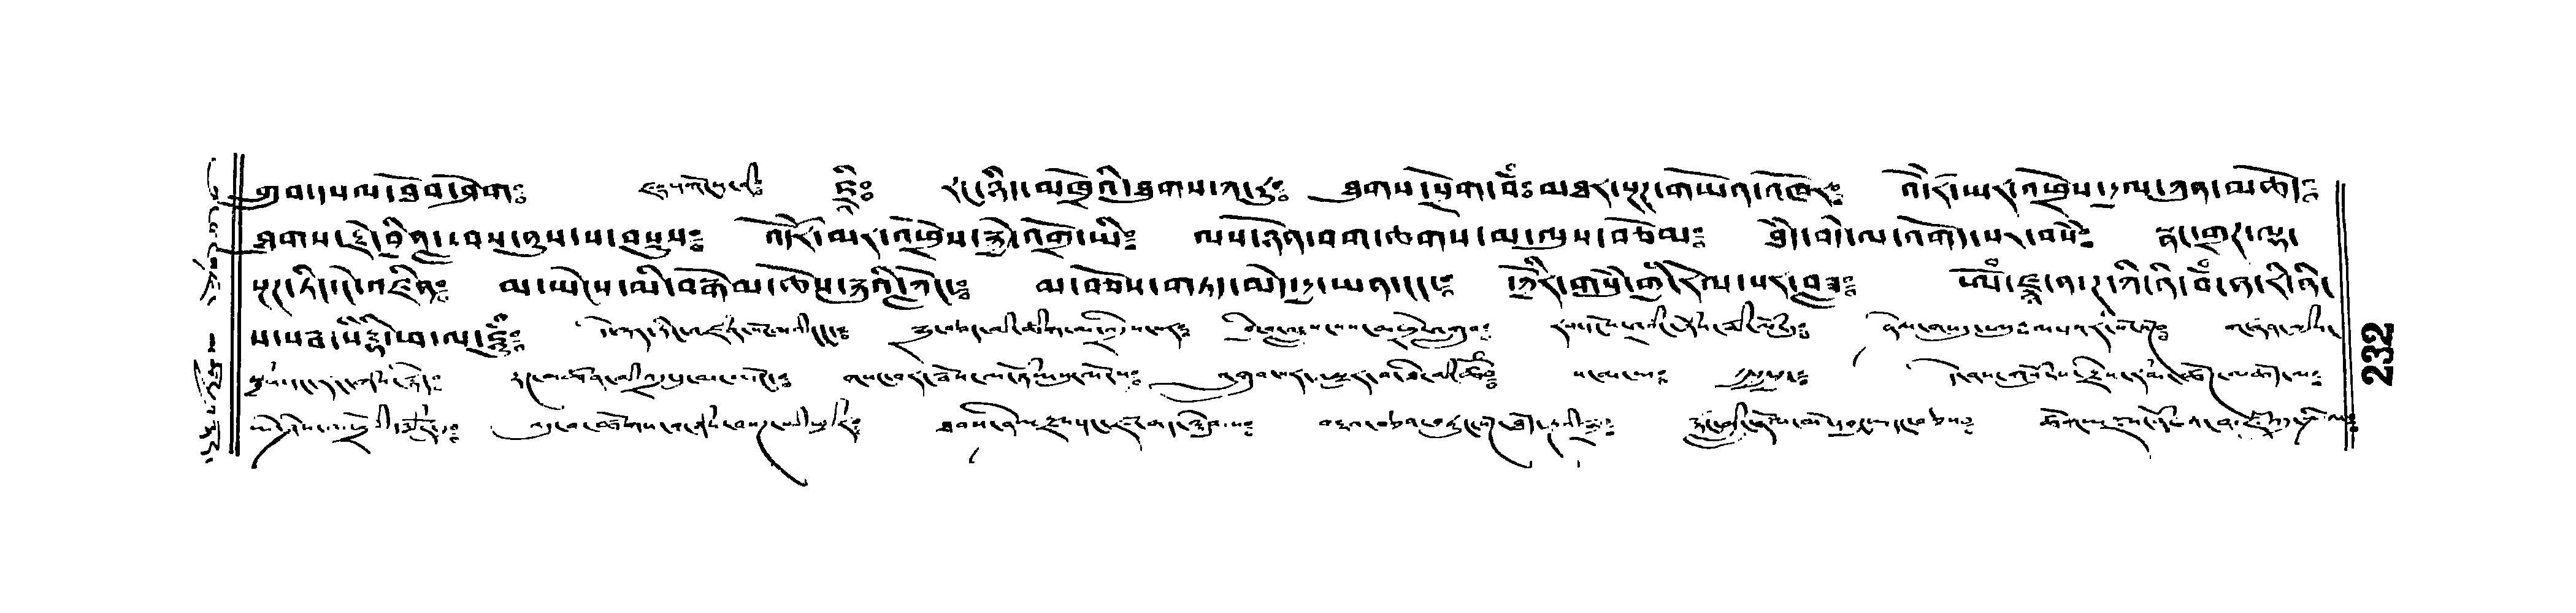གྲུབ་དཔལ་ཐོབ་ཤོག༔ འཛབ་དགོངས་ནི༔ ཧྲཱིཿ རང་ཉིད་མཁའ་འགྲོའི་ཐུགས་ཀ་རུ༔ ཐུགས་སྲོག་བྃཿམཐར་སྔགས་གཡོན་འཁོར༔ འོད་ཟེར་ཡར་འཕྲོས་རྒྱལ་ཀུན་མཆོད༔ 
ཐུགས་རྗེ་བྱིན་རླབས་ནུས་པ་བསྡུས༔ འོད་ཟེར་མར་འཕྲོས་སྐྱེ་འགྲོ་ཡི༔ ལས་ཉོན་བག་ཆགས་མ་ལུས་བཅོམ༔ ཐམས་ཅད་བདེ་ལ་འགོད་པར་བསམ༔ སྣང་གྲགས་ལྷ་
སྔགས་ཏིང་ངེ་འཛིན༔ མ་ཡེངས་མི་བསྒོམ་ཆོས་སྐུའི་ཀློང༔ མ་བཅོས་གཏད་མེད་རྒྱ་ཡན་ངང༔ དཀྱིལ་འཁོར་གསུམ་གྱི་རོལ་པར་བཟླ༔ ཨོཾ་ཛྙཱ་ན་ཌཱ་ཀི་ནི་བྃ་ན་རི་ནི་
ས་སརྦ་སིདྡྷི་ཕ་ལ་ཧཱུྃ༔ དེ་ལྟར་ཏིང་འཛིན་སོ་མའི་ངང༔ སྨྲ་བཅད་མི་ཚིག་མ་འདྲེས་པར༔ བྱེ་བ་བཟླས་པས་མཁའ་འགྲོ་འགྲུབ༔ རབ་དངོས་འབྲིང་ཉམས་རྨི་ལམ་དུ༔ ཤེལ་གཡུ་ཨུཏྤལ་དཀར་པོ་སོགས༔ གཞན་གྱིས་
སྦྱིན་དང་རང་གིས་རྙེད༔ རྟགས་མཚན་མི་འདྲ་དུ་མ་ཡོང༔ གསང་བར་སྦོས་ལ་ཉམས་སུ་ལོངས༔ འགྲུབ་པར་འགྱུར་བ་ཐེ་མི་ཚོམ༔ ས་མ་ཡ༔ རྒྱ་རྒྱ་རྒྱ༔ དེ་ནས་གསུམ་པ་རྗེས་རིམ་ཚོགས་མཆོད་ལ༔ 
ཡེ་ཤེས་མཁའ་འགྲོའི་དཀྱིལ་འཁོར་དུ༔ འདུ་བ་ཚོགས་གཉིས་བསགས་པའི་ཕྱིར༔ ཐབས་ཤེས་རྫས་དང་ཛ་གད་སྐྱེམས༔ བཟའ་བཅའ་བཏུང་སོགས་ཐོད་རྔའི་སྒྲ༔ རྐང་གླིང་རོལ་མོ་དབྱངས་དང་བཅས༔ ཚོགས་རྫས་ནམ་མཁའ་མཛོད་དུ་སྤེལ༔